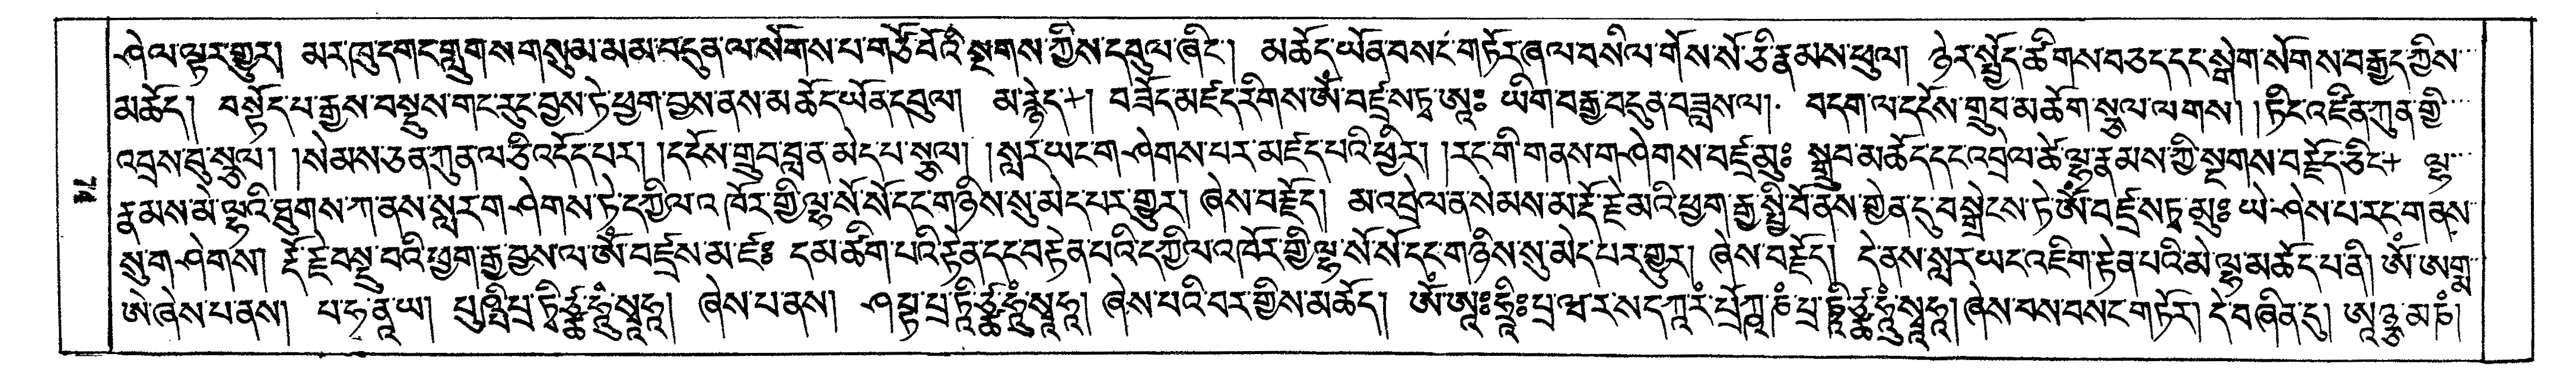ཤེལ་ལྟར་གྱུར། མར་ཁུ་དགང་བླུགས་གསུམ་མམ་བདུན་ལ་སོགས་པ་གཙོ་བོའི་སྔགས་ཀྱིས་དབུལ་ཞིང་། མཆོད་ཡོན་བསང་གཏོར་ཞལ་བསིལ་གོས་སོ་རྩི་རྣམས་ཕུལ། ཉེར་སྤྱོད་ཚིགས་བཅད་དང་སྒེག་སོགས་བརྒྱད་ཀྱིས་
མཆོད། བསྟོད་པ་རྒྱས་བསྡུས་གང་རུང་བྱས་ཏེ་ཕྱག་བྱས་ནས་མཆོད་ཡོན་དབུལ། མ་རྙེད། བཟོད་མཛད་རིགས་ཨོཾ་བཛྲ་སཏྭ་ཨཱཿ ཡིག་བརྒྱ་བདུན་བཟླས་ལ། བདག་ལ་དངོས་གྲུབ་མཆོག་སྩལ་ལགས། །ཏིང་འཛིན་ཀུན་གྱི་
འབྲས་བུ་སྩལ། །སེམས་ཅན་ཀུན་ལ་ཅི་འདོད་པར། །དངོས་གྲུབ་བླ་ན་མེད་པ་སྩལ། །སླར་ཡང་གཤེགས་པར་མཛད་བའི་ཕྱིར། །རང་གི་གནས་གཤེགས་བཛྲ་མུཿསྒྲུབ་མཆོད་དང་འབྲེལ་ཚེ་ལྷ་རྣམས་ཀྱི་སྔགས་བརྗོད་ཅིང་། ལྷ་
རྣམས་མེ་ལྷའི་ཐུགས་ཀ་ནས་སླར་གཤེགས་ཏེ་དཀྱིལ་འཁོར་གྱི་ལྟ་སོ་སོ་དང་གཉིས་སུ་མེད་པར་གྱུར། ཞེས་བརྗོད། མ་འབྲེལ་ན་སེམས་མ་རྡོ་རྗེ་མའི་ཕྱག་རྒྱ་སྤྱི་བོ་ནས་གྱེན་དུ་བསྒྲེངས་ཏེ་ཨོཾ་བཛྲ་སཏྭ་མུཿ ཡེ་ཤེས་པ་རང་གནས་
སུ་གཤེགས། རྡོ་རྗེ་བསྡུ་བའི་ཕྱག་རྒྱ་བྱས་ལ་ཨོཾ་བཛྲ་ས་མ་ཛཿདམ་ཚིག་པའི་རྟེན་དང་བརྟེན་པའི་དཀྱིལ་འཁོར་གྱི་ལྷ་སོ་སོ་དང་གཉིས་སུ་མེད་པར་གྱུར། ཞེས་བརྗོད། དེ་ནས་སླར་ཡང་འཇིག་རྟེན་པའི་མེ་ལྷ་མཆོད་པ་ནི། ཨོཾ་ཨགན་
ཡེ་ཞེས་པ་ནས། བ་ཧ་ནཱ་ཡ། པུཥྤཾ་པྲ་ཏཱིཙཚ་ཧཱུཾ་སྭཱཧཱ། ཞེས་པ་ནས། ཤཔྟ་པྲ་ཏཱིཙྪ་ཧཱུཾ་སྭཱཧཱ། ཞེས་པའི་བར་གྱིས་མཆོད། ཨོཾ་ཨཱཿཧཱིཿཔྲ་ཝ་ར་སད་ཀཱ་རཾ་ཕྲོ་ཀྵ་ནཾ་པྲ་ཏཱིཙྪ་ཧཱུཾ་སྭཱཧཱ། ཞེས་པས་བསང་གཏོར། དེ་བཞིན་དུ། ཨཱཉྩ་མ་ཎཾ།